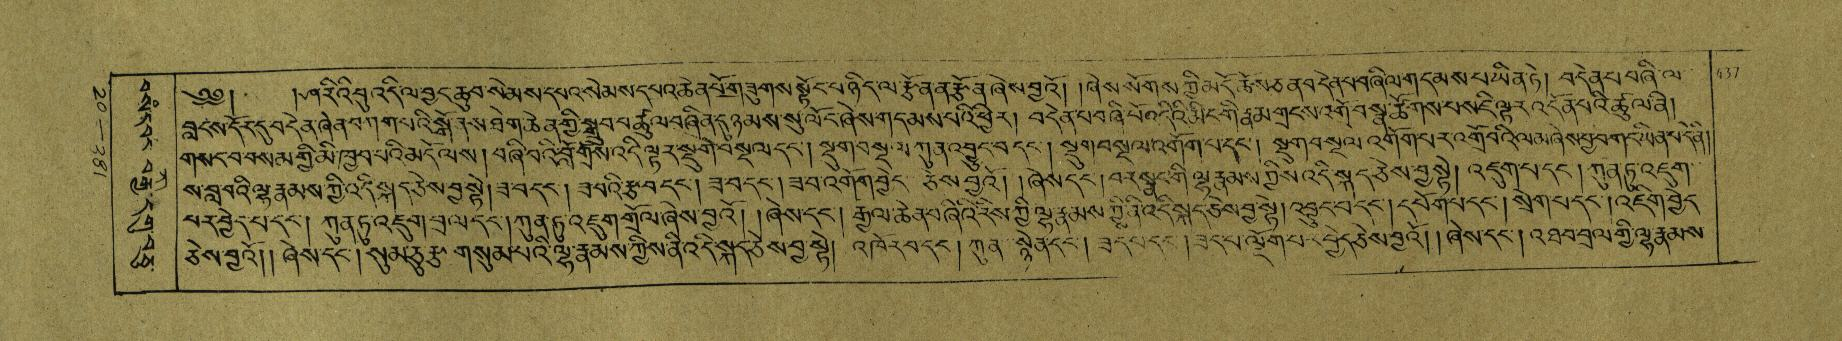༄༅། །ཤ་རིའི་བུ་འདི་ལ་བྱང་ཆུབ་སེམས་དཔའ་སེམས་དཔའ་ཆེན་པོ་གཟུགས་སྟོང་པ་ཉིད་ལ་རྩོན་ན་རྩོན་ཞེས་བྱའོ། །ཞེས་སོགས་ཀྱི་མདོ་ཆོས་ཅན་བདེན་པ་བཞི་ལ་གདམས་པ་ཡིན་ཏེ། བདེན་པ་བཞི་ལ་
བླངས་དོར་དུ་བདེན་ཞེན་བཀག་པའི་སྒོ་ནས་ཐེག་ཆེན་གྱི་སྒྲུབ་པ་ཚུལ་བཞིན་དུ་ཉམས་སུ་ལོང་ཞེས་གདམས་པའི་ཕྱིར། བདེན་པ་བཞི་པོ་འདིའི་མིང་གི་རྣམ་གྲངས་འགྲོ་བ་སྣ་ཚོགས་པས་ཇི་ལྟར་འདོན་པའི་ཚུལ་ནི།
གསང་བ་བསམ་གྱི་མི་ཁྱབ་པའི་མདོ་ལས། བཞི་བའི་བློ་གྲོས་འདི་ལྟར་སྡུག་བསྔལ་དང་། སྡུག་བསྔལ་ཀུན་འབྱུང་བ་དང་། སྡུག་བསྔལ་འགོག་པ་དང་། སྡུག་བསྔལ་འགོག་པར་འགྲོ་བའི་ལམ་ཞེས་བྱ་བ་གང་ཡིན་པ་དེ་ནི།
ས་བླ་བའི་ལྷ་རྣམས་ཀྱི་འདི་སྐད་ཅེས་བྱ་སྟེ། ཟ་བ་དང་། ཟ་བའི་རྩ་བ་དང་། ཟ་བ་དང་། ཟ་བ་འགོག་བྱེད་ཅེས་བྱའོ། །ཞེས་དང་། བར་སྣང་གི་ལྷ་རྣམས་ཀྱིས་འདི་སྐད་ཅེས་བྱ་སྟེ། འཇུག་པ་དང་། ཀུན་ཏུ་འཇུག་
པར་བྱེད་པ་དང་། ཀུན་ཏུ་འཇུག་བྲལ་དང་། ཀུན་ཏུ་འཇུག་གྲོལ་ཞེས་བྱའོ། །ཞེས་དང་། རྒྱལ་ཆེན་བཞིའི་རིས་ཀྱི་ལྷ་རྣམས་ཀྱིས་ནི་འདི་སྐད་ཅེས་བྱ་སྟེ། འབྱུང་བ་དང་། དཔོག་པ་དང་། སྲེག་པ་དང་། འཇིག་བྱེད་
ཅེས་བྱའོ། །ཞེས་དང་། སུམ་ཅུ་རྩ་གསུམ་པའི་ལྷ་རྣམས་ཀྱིས་ནི་འདི་སྐད་ཅེས་བྱ་སྟེ། འཁོར་བ་དང་། ཀུན་སྙེན་དང་། ཟད་པ་དང་། ཟད་པ་ལྡོག་པར་བྱེད་ཅེས་བྱའོ། །ཞེས་དང་། འཐབ་བྲལ་གྱི་ལྷ་རྣམས་